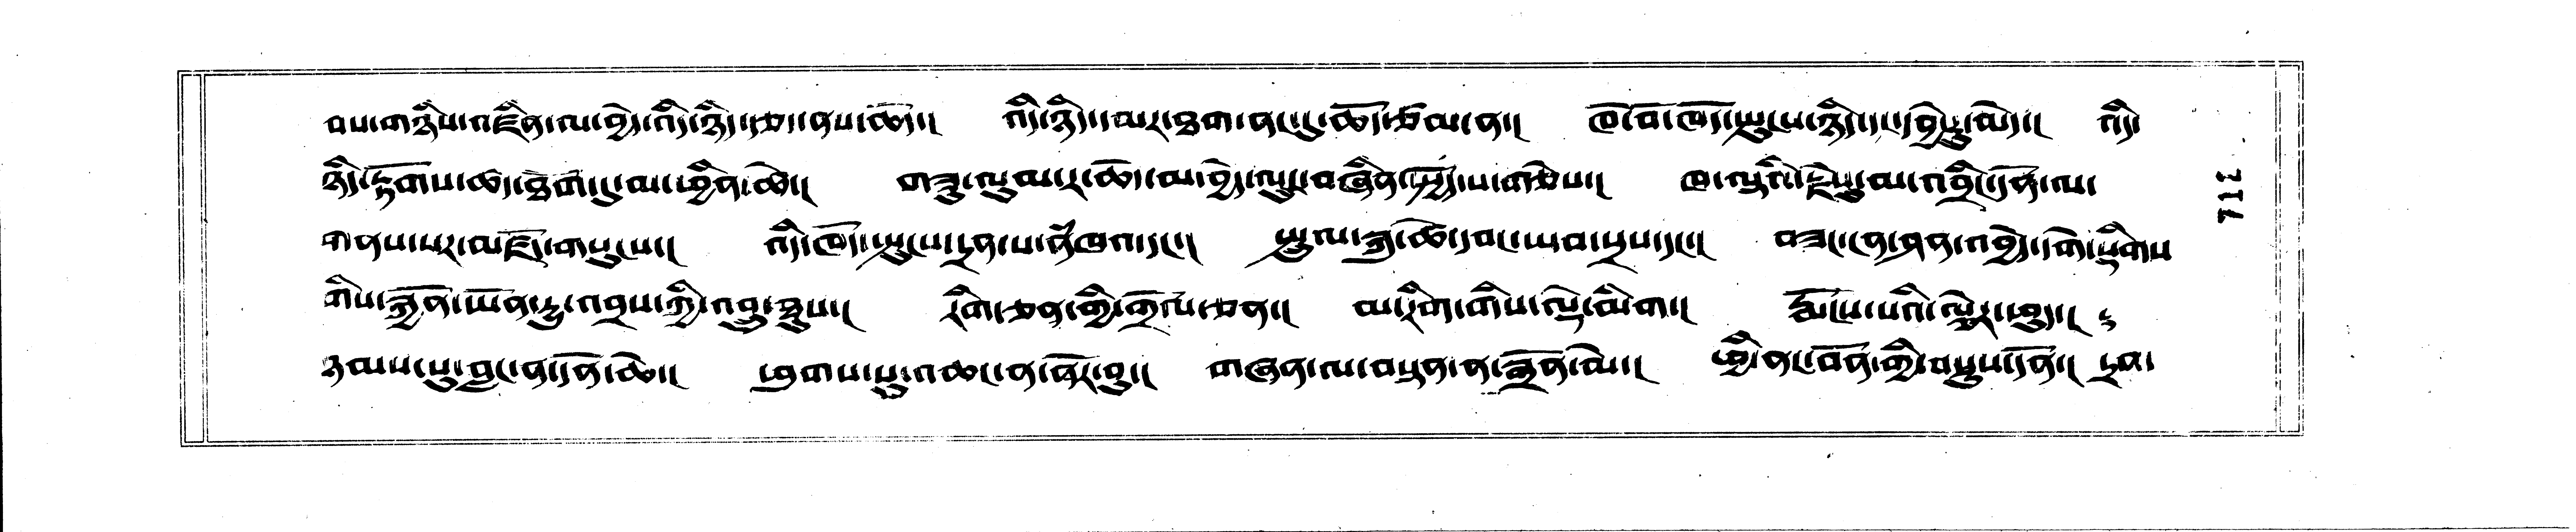བས་གཉིས་འཛིན་མ་བྱེད་འདི་ཉིད་ཉམས་སུ་རྩད་ནས་ཆོད།། འདི་ཉིད་དམར་ཐག་ནང་དུ་ཆོད་ཙམ་ན། ཁོ་བོ་ཁོད་སྤུངས་ཉིད་དང་དབྱེར་རུ་མེད། འདི་
ཉིད་རྟོགས་ཚད་ནང་དུ་མ་ཕྱིན་ཚེ།། གཟུ་ལུམ་ར་ཆོད་མ་བྱེད་ལུང་བཞིན་སྤྱོད་པ་བདེན་‘‘གཅེས”། “ཁ་ལྟའི་རྗེས་སུ་མ་འབྲེང་དོན་ལ་
གནས་པར་མཛོད་གསུངས། འདི་ཁོད་སྤུངས་དྲན་པ་ནམ་མཁའ་དང་། སྤྲུལ་སྐུ་ཚེ་དབང་ཡབ་སྲས་དང་། བཟང་ངན་ཤན་འབྱེད་དགེ་སྡིག་
གི་སྐྱོན་ཡོན་རྒྱུ་འབྲས་ཀྱི་ཐུས། རིགས་ཅན་གྱི་གྲོལ་ཅན། མ་རིག་གིས་ལྡེ་མིག རྨོངས་པའི་ལྕེར་ཕུད། 
ཉམས་སུ་བླངས་ན་དོན་ཆེ། ཕུགས་སུ་འཆང་ན་ནོར་བུ། གཞན་ལ་བསྟན་ན་སྒྲོན་མེ། ཕྱི་ནང་བོན་གྱི་བསྡུས་དོན། དྲན་